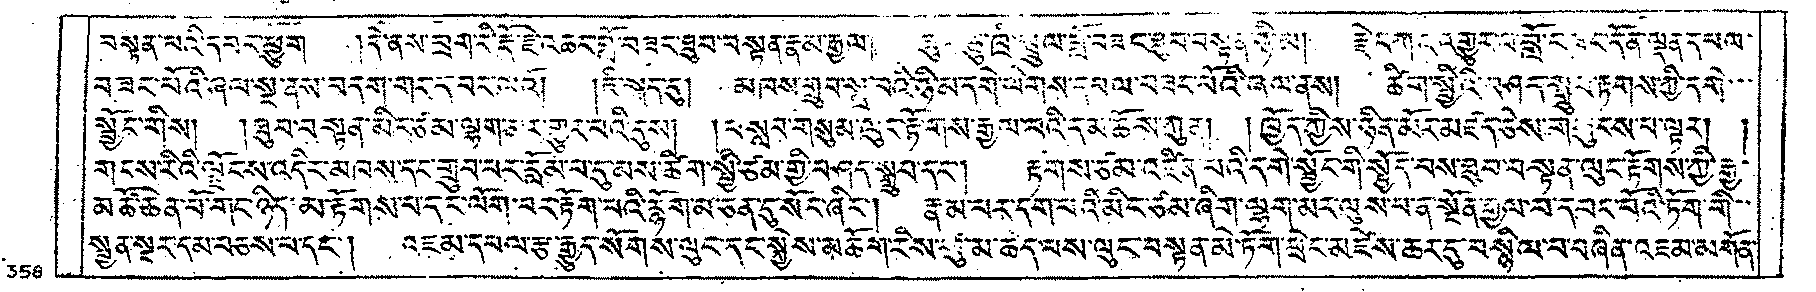བསྟན་པའི་དབང་ཕྱུག །དེ་ནས་བྲག་རི་རྡོ་རྗེ་འཆང་བློ་བཟང་ཐུབ་བསྟན་རྣམ་རྒྱལ། ཟུང་ཆུ་ཁྲི་སྤྲུལ་བློ་བཟང་ཐུབ་བསྟན་ཉི་མ། རྗེ་བཀའ་འགྱུར་བ་བློ་བཟང་དོན་ལྡན་དཔལ་
བཟང་པོའི་ཞལ་སྔ་ནས་བདག་གར་དབང་ལའོ། །ཇི་སྐད་དུ། མཁས་གྲུབ་སྨྲ་བའི་ཉི་མ་དགེ་ལེགས་དཔལ་བཟང་པོའི་ཞལ་ནས། ཚིག་སྤྱིའི་བཤད་སྒྲུབ་རྟགས་ཀྱི་དགེ་
སྦྱོང་གིས། །ཐུབ་བསྟན་མིང་ཙམ་ལྷག་མར་གྱུར་པའི་དུས། །བསླབ་གསུམ་ལུང་རྟོགས་རྒྱལ་བའི་དམ་ཆོས་ཀུན། །ཁྱོད་ཀྱིས་ཉིན་མོར་མཛད་ཅེས་གསུངས་པ་ལྟར། །
གངས་རིའི་ལྗོངས་འདིར་མཁས་དང་གྲུབ་པར་རློམ་པ་དུ་མས་ཚིག་སྤྱི་ཙམ་གྱི་བཤད་སྒྲུབ་དང་། རྟགས་ཙམ་འཛིན་པའི་དགེ་སྦྱོང་གི་སྤྱོད་པས་ཐུབ་བསྟན་ལུང་རྟོགས་ཀྱི་རྒྱ་
མཚོ་ཆེན་པོ་གང་ཉིད་མ་རྟོགས་པ་དང་ལོག་པར་རྟོག་པའི་རྙོག་མ་ཅན་དུ་སོང་ཞིང་། རྣམ་པར་དག་པའི་མིང་ཙམ་ཞིག་ལྷག་མར་ལུས་པ་ན་སྔོན་རྒྱལ་བ་དབང་པོའི་ཏོག་གི་
སྤྱན་སྔར་དམ་བཅས་པ་དང་། འཇམ་དཔལ་རྩ་རྒྱུད་སོགས་ལུང་དང་སྐྱེས་མཆོག་རིས་སུ་མ་ཆད་པས་ལུང་བསྟན་མེ་ཏོག་ཕྲེང་མཛེས་ཆར་དུ་བསྙིལ་བ་བཞིན་འཇམ་མགོན་